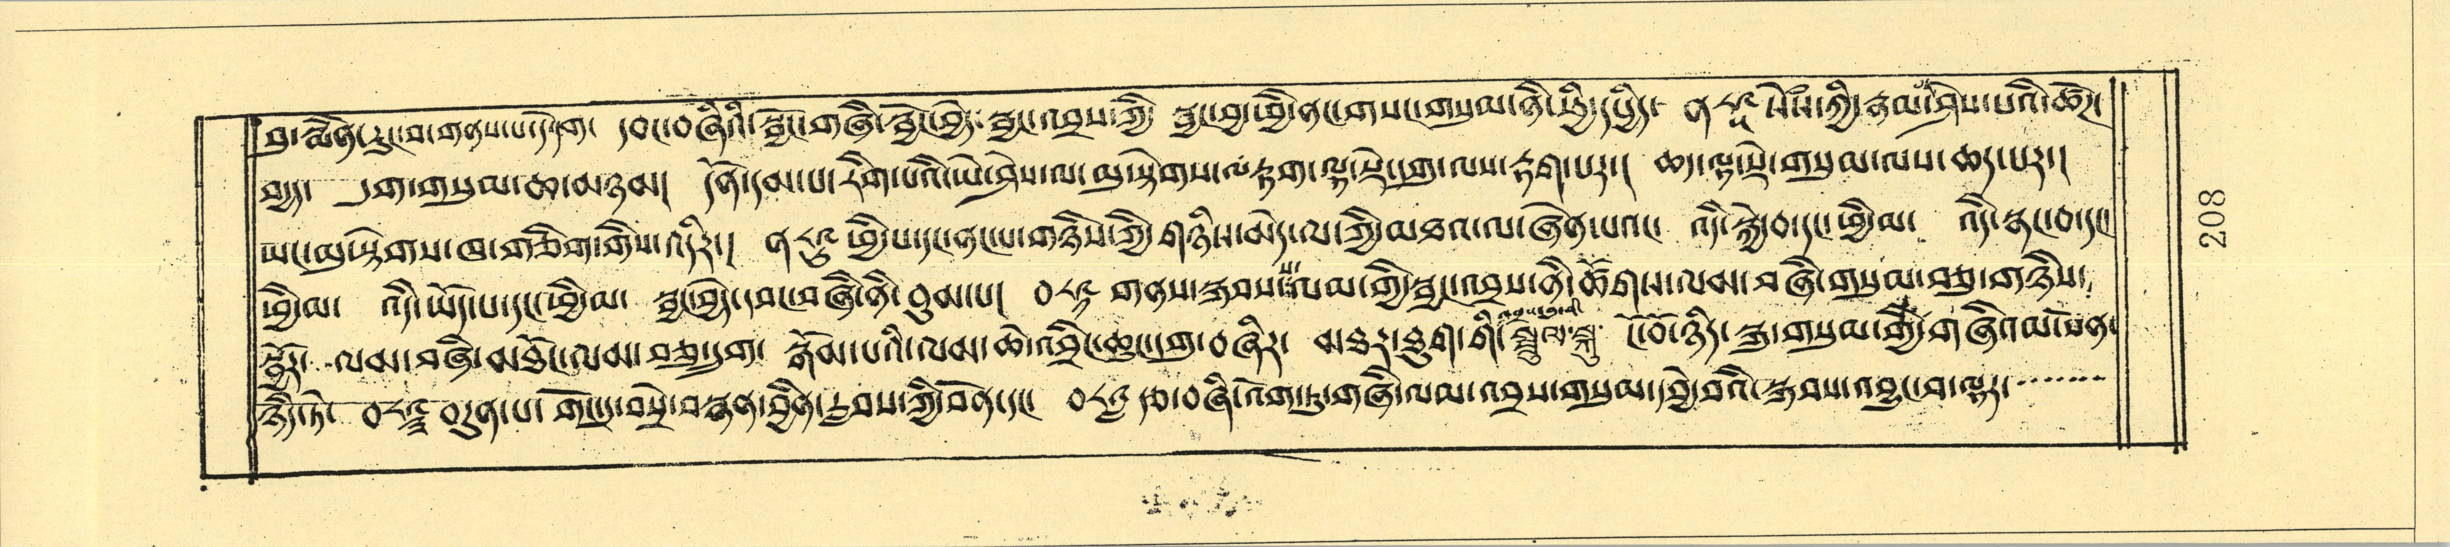བུ་སྨིན་རུང་བ་གནས་པ་དེ་དག ༼དབང་བཞིའི་༽སྦྱོང་གཞི་སྦྱོང་བྱེད་སྦྱང་འབྲས་ཀྱི། སྦྱང་བྱ་ཕྱི་ནང་གསང་གསུམ་ནི་༼ཕྱི་དཔྱིད་༽ན༨༩།༥ ༼སེམས་ཀྱི་༽རྣམ་པར་ཤེས་པའི་ཚོགས་
བརྒྱད། དུག་གསུམ་༼ཆ་མཉམ།༽༼དོན་དམ་པ་༽རིག་པའི་ཡེ་ཤེས་ལ་མུ་སྟེགས་ལ་རྟག་ལྟ་སྡེ་དགུ་ལས་༼རྟག་པར་༽ཆད་ལྟ་སྡེ་གསུམ་ལས་༼ཆད་པར།༽
ཡང་མུ་སྟེགས་ཁ་གཅིག་གིས་༼འདིར་༽ན༨༩།༦ ཕྱི་པ་དང་ནང་པ་གཉིས་ཀྱི་༼གཉིས་མེད་ལ་༽ཀྱི་མཐའ་ལ་ཞེན་པའང། འདི་༼སྐྱེ་བ་༽དང་ཕྱི་མ། འདི་༼སྣང་བ་༽དང་
ཕྱི་མ། འདི་ཡོད་པ་དང་ཕྱི་མ། སྦྱང་བྱེད་དབང་བཞི་ནི་༼བུམ་པ་༽བ༨༩།༡ གནས་སྐབས་ས་ལམ་གྱི་སྦྱང་འབྲས་ནི་༼ཚོགས་ལམ་༽བཞི་གསུམ་བཅུ་གཉིས་
༼སྦྱོར་ལམ་༽བཞི་༼མཐོང་ལམ་༽བཅུ་དྲུག ༼སྒོམ་པའི་ལམ་༽ཆེ་འབྲིང་ཆུང་དགུ་༼བཞིར་མཐར་ཐུག་གི་༽འབྲས་བུ་ནི། སྤྲུལ་སྐུ། ༼ངོ་བོ་ཉིད་༽སྐུ་གསུམ་གྱི་གཞི་འམ་བོན་
ཉིད་ཏེ། བ༨༩།༣ ༼བདུན་པ་༽གོང་དུ་བསྲེ་བསྙན་བྱིན་རླབས་ཀྱོ་བོན་དང། བ༨༩།༤ ༼རྩ་བཞི་༽འོག་ཏུ་གཞི་ལམ་འབྲས་གསུམ་དབྱེ་བའི་སྐབས་འབྱུང་བ་ལྟར་